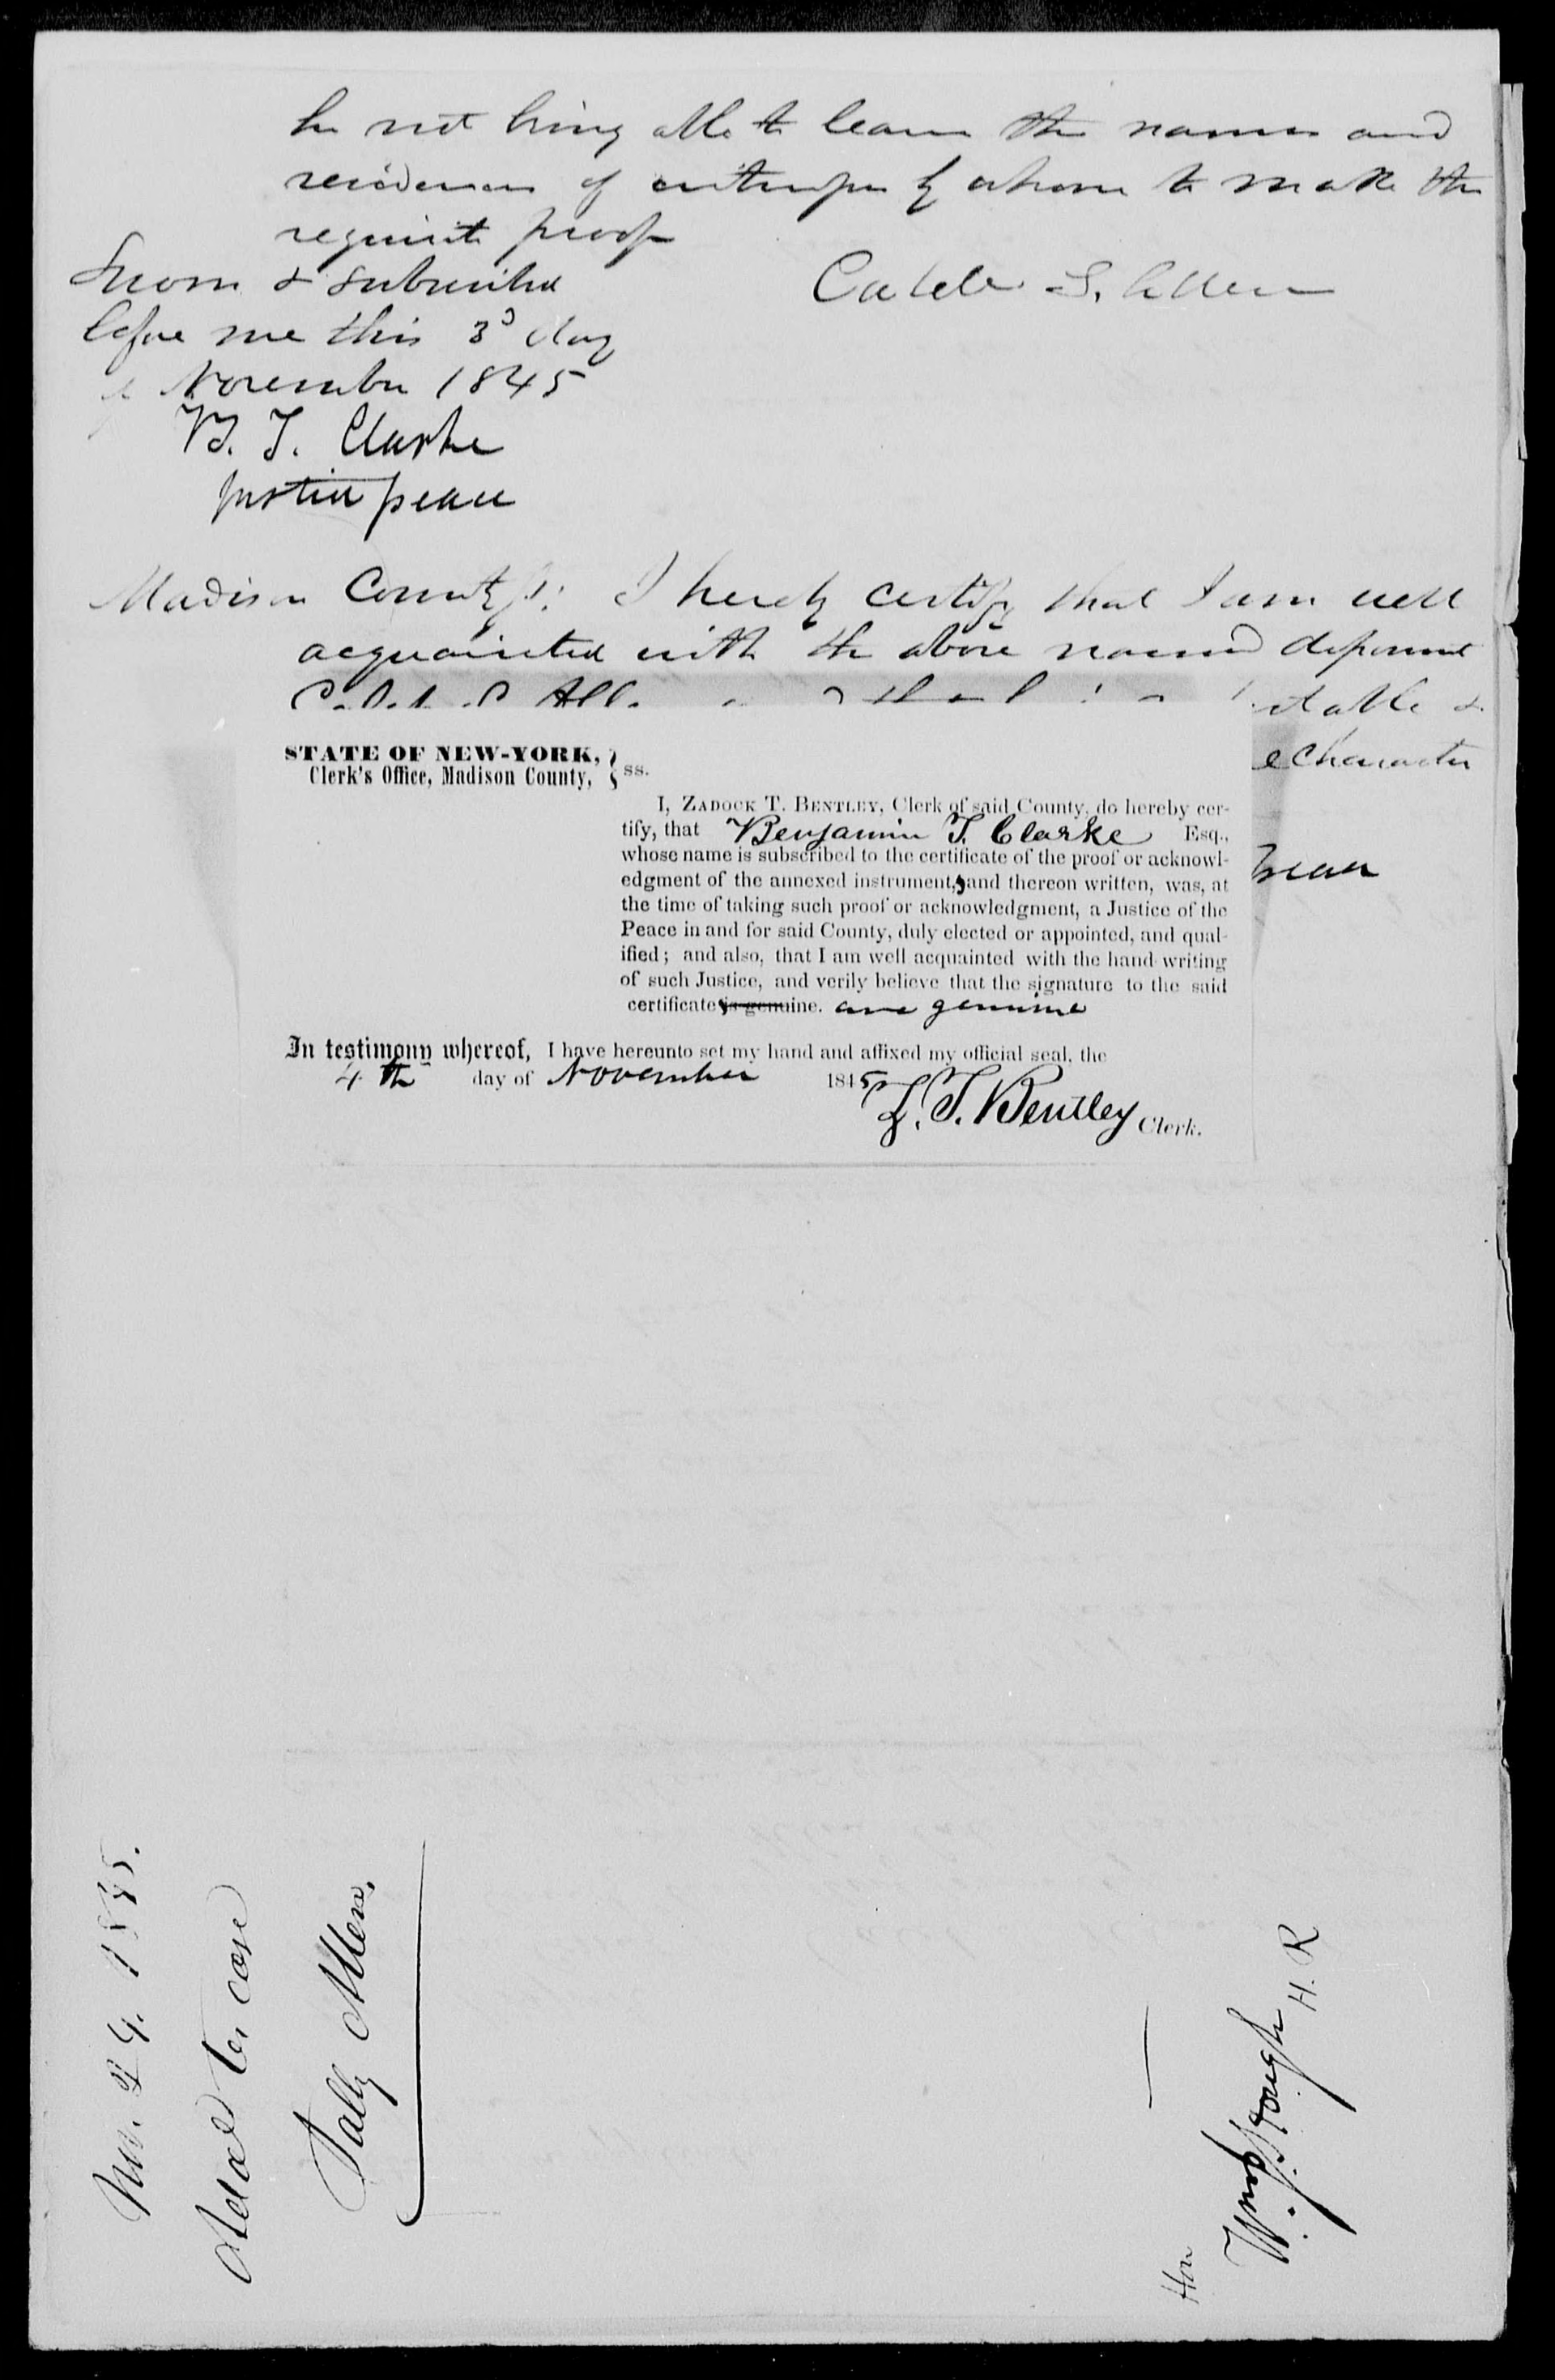he not being able to leave the names and residence of witnesses of whom to a required proof
Caleb S. Allen [signature]
Sworn & subscribed 
before me this 3d day 
November 1845 
B.T. Clarke Justice Peace
Madison County ss: I hereby certify that I am well acquainted with the above named deponent 
Caleb S. Allen
[illegible covered by attached paper]
[Attached paper as follows]

STATE OF NEW-YORK, Clerk's Office, Madison County, SS. I, ZADOCK T. BENTLEY, Clerk of said County, do hereby certify , that Benjamin T. Clarke Esq. whose name is subscribed to the certificate of the proof or acknowledgment of the annexed instruments, and thereon written, was, at the time of taking such proof or acknowledgment, a Justice of the Peace in and for said County, duly elected or appointed, and qualified ; and also, that I am well acquainted with the hand writing of such Justice, and verily believe that the signature to the said certificate are genuine 
In testimony whereof, I have hereunto set my hand and affixed my official seal, the 
4th day of November 1845 
Z. T. Bentley Clerk

[bottom of page, turn clockwise]
Nov. 24, 1845
Addl to case
Sally Allen
Hon Wm. J Hough
H.R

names: Caleb S Allen, Benjamin T Clarke, Z T Bentley, Wm J Hough, Caleb S Allen, Sally Allen, B T Clarke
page: 27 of 74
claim: widow's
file: W. 23424, John Allen, Mass. R. I.